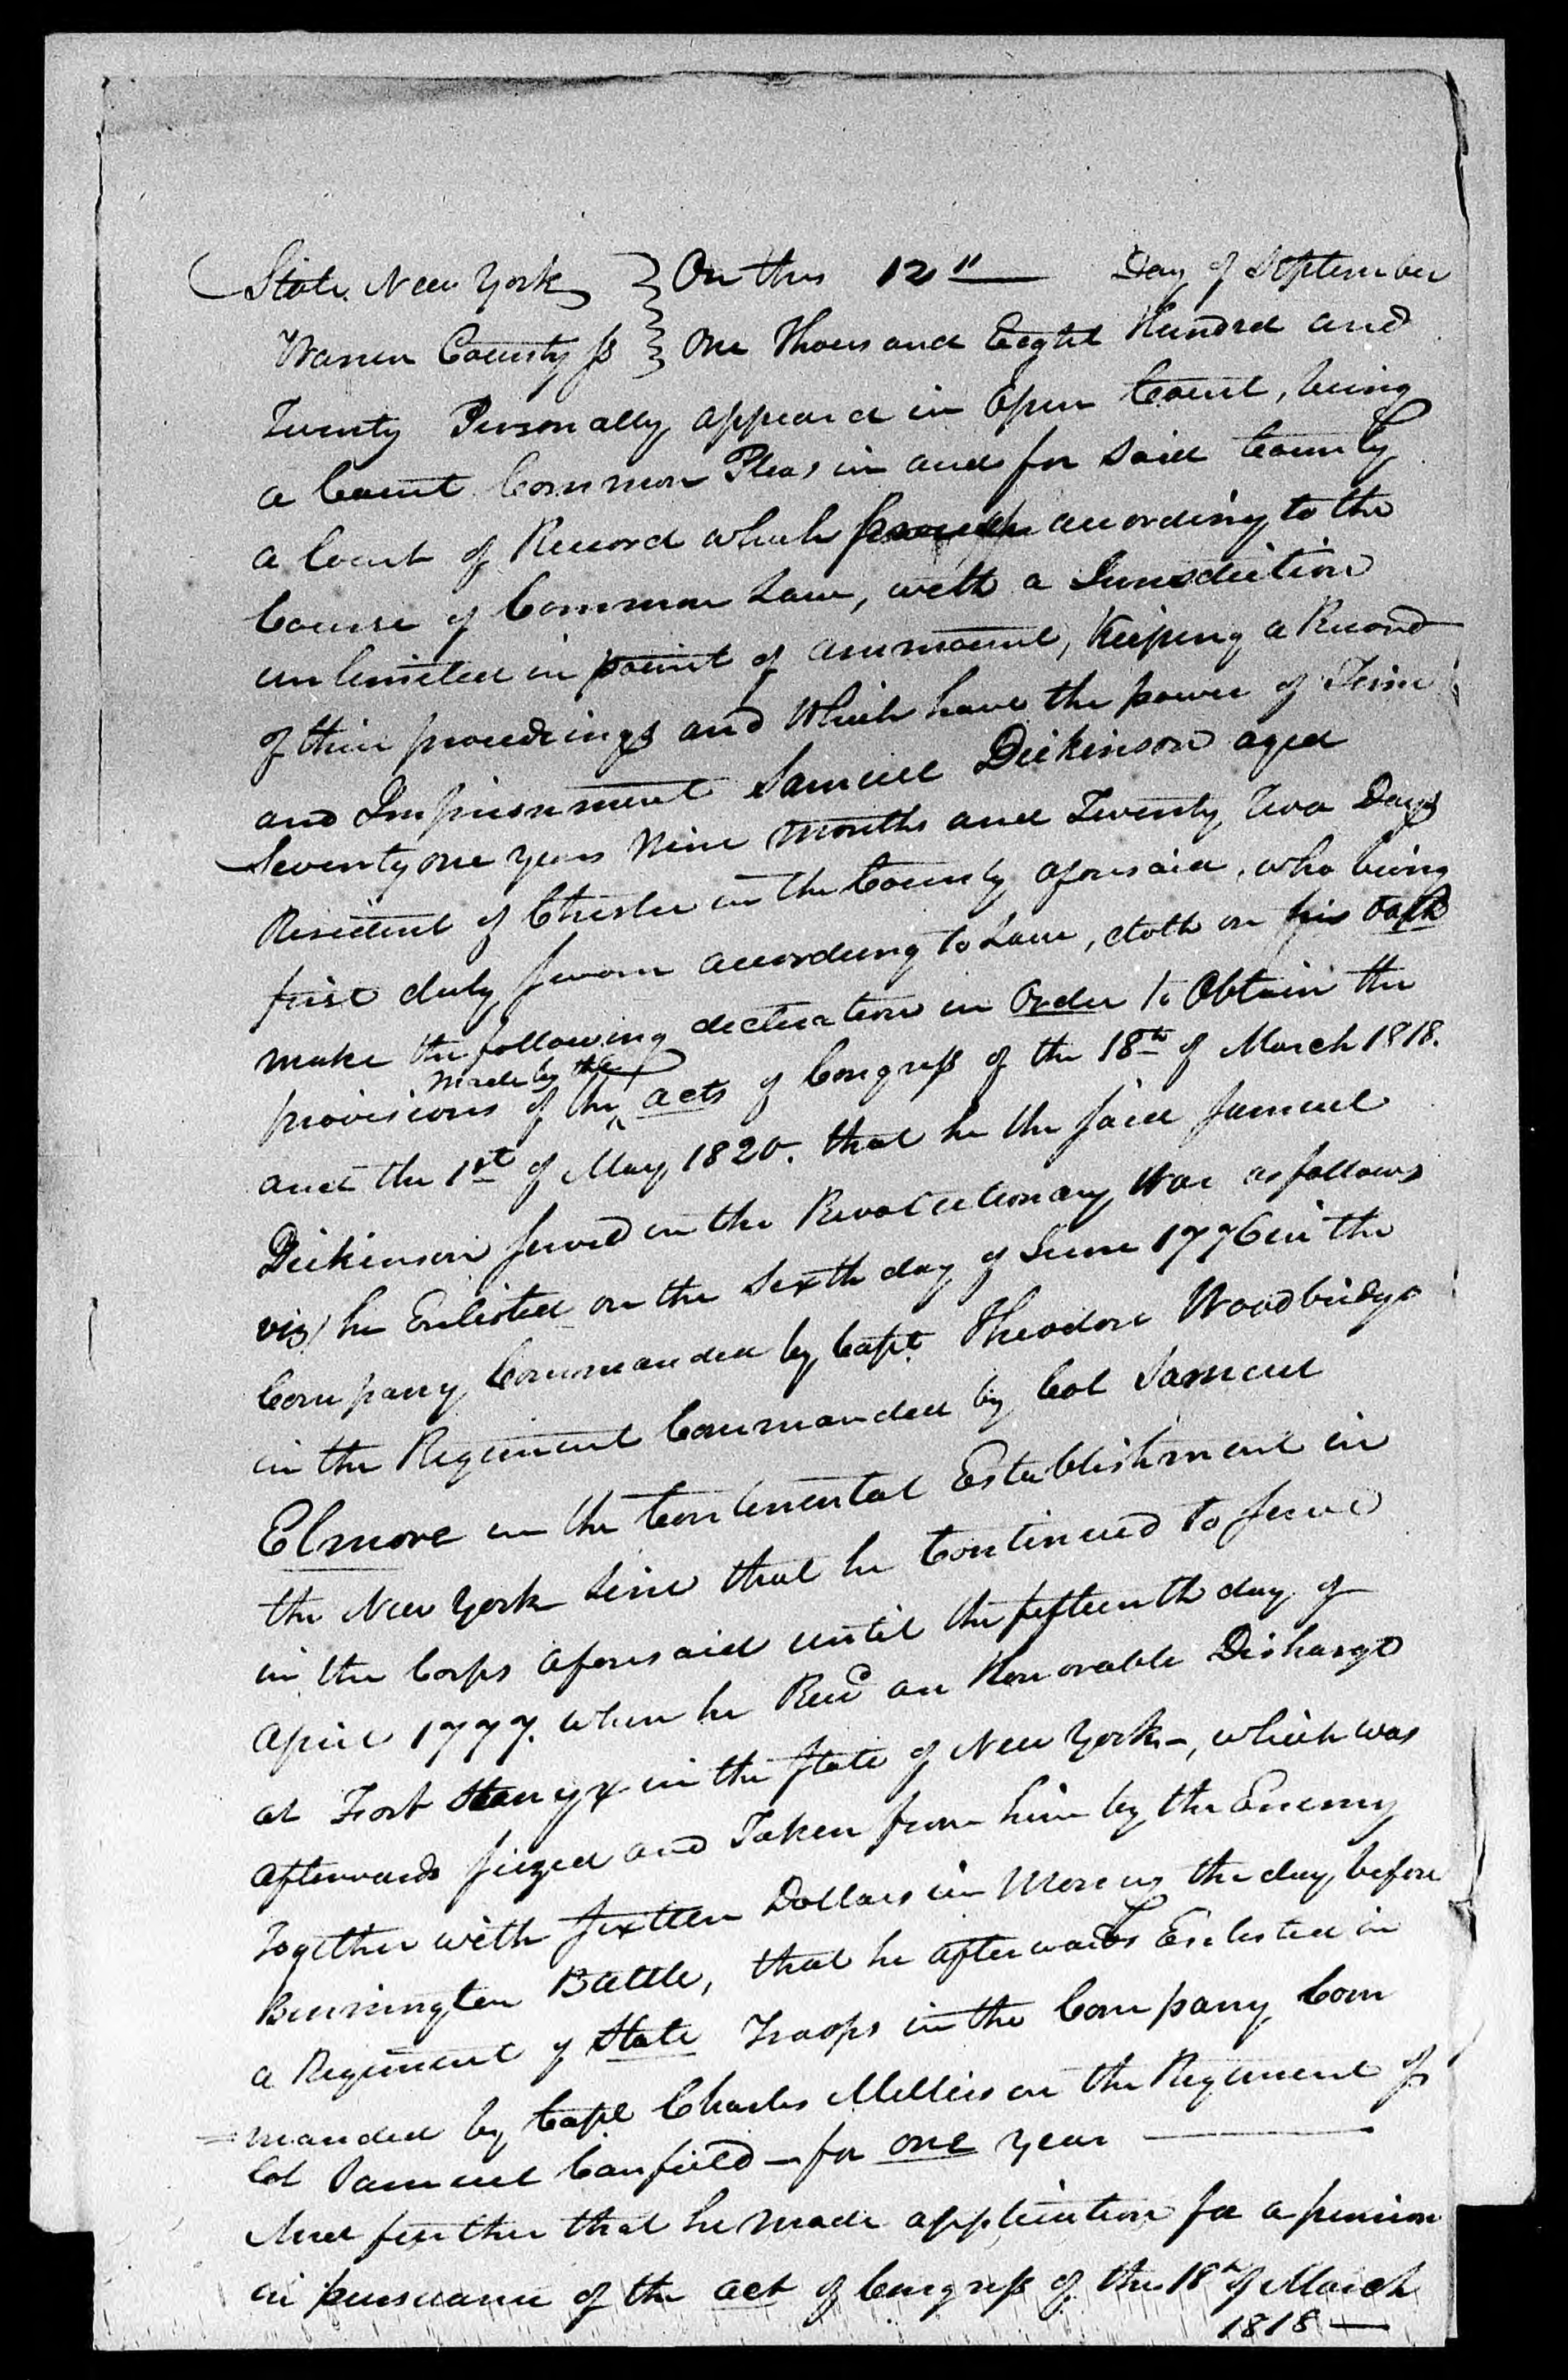State of New York
Warren County SS

On  this 12th Day of September, One Thousand Eight Hundred and Twenty Personally appeared in open Court being a Court Common Pleas in and for said county a Court of Record which proceeds according to the Course of Common Law, with a Jurisdiction unlimited in point of (?), keeping a record of their proceedings and which have the powers of Fines and Imprisonment. Samuel Dickinson aged seventy one years nine months and twenty two days resident of Chester in the County aforesaid, who being first duly sworn according to law, doth on his oath make the following declaration in order to obtain the provisions of the and made by the acts of Congress of the 18th of March 1818 and the 1st of May 1820 that he the said Samuel Dickinson served in the Revolutionary War as follows
viz/ he enlisted on the sixth day of June 1776 in the Company commanded by  Capt Theodore Woodbridge in the Regiment commanded by Col Samuel Elmore in the Continental Establishment (?) in the New York Line that he continued to serve in the Corps aforesaid until the fifteenth day of April 1777 when he received an Honorable Discharge ar Fort Stanwix in the State of New York which was afterward seized and taken from him by the (?) together with sixteen dollars in (?) the day before Bennington Battle, that he afterwards enlisted in a Regiment of State Troops in the Company Commanded by Capt Charles Miles (?) in the Regiment of Samuel Canfield- for one year.
And further that he made application for a pension in pursuance (?)of the act of Congress of the 18th of March 1818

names: Samuel Canfield, Charles Mellies, Samuel Elmore, Samuel Dickinson, Samuel Dickinson, Theodore Woodbridge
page: 3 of 60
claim: widow's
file: W 16,955, Samuel Dickinson, Conn.